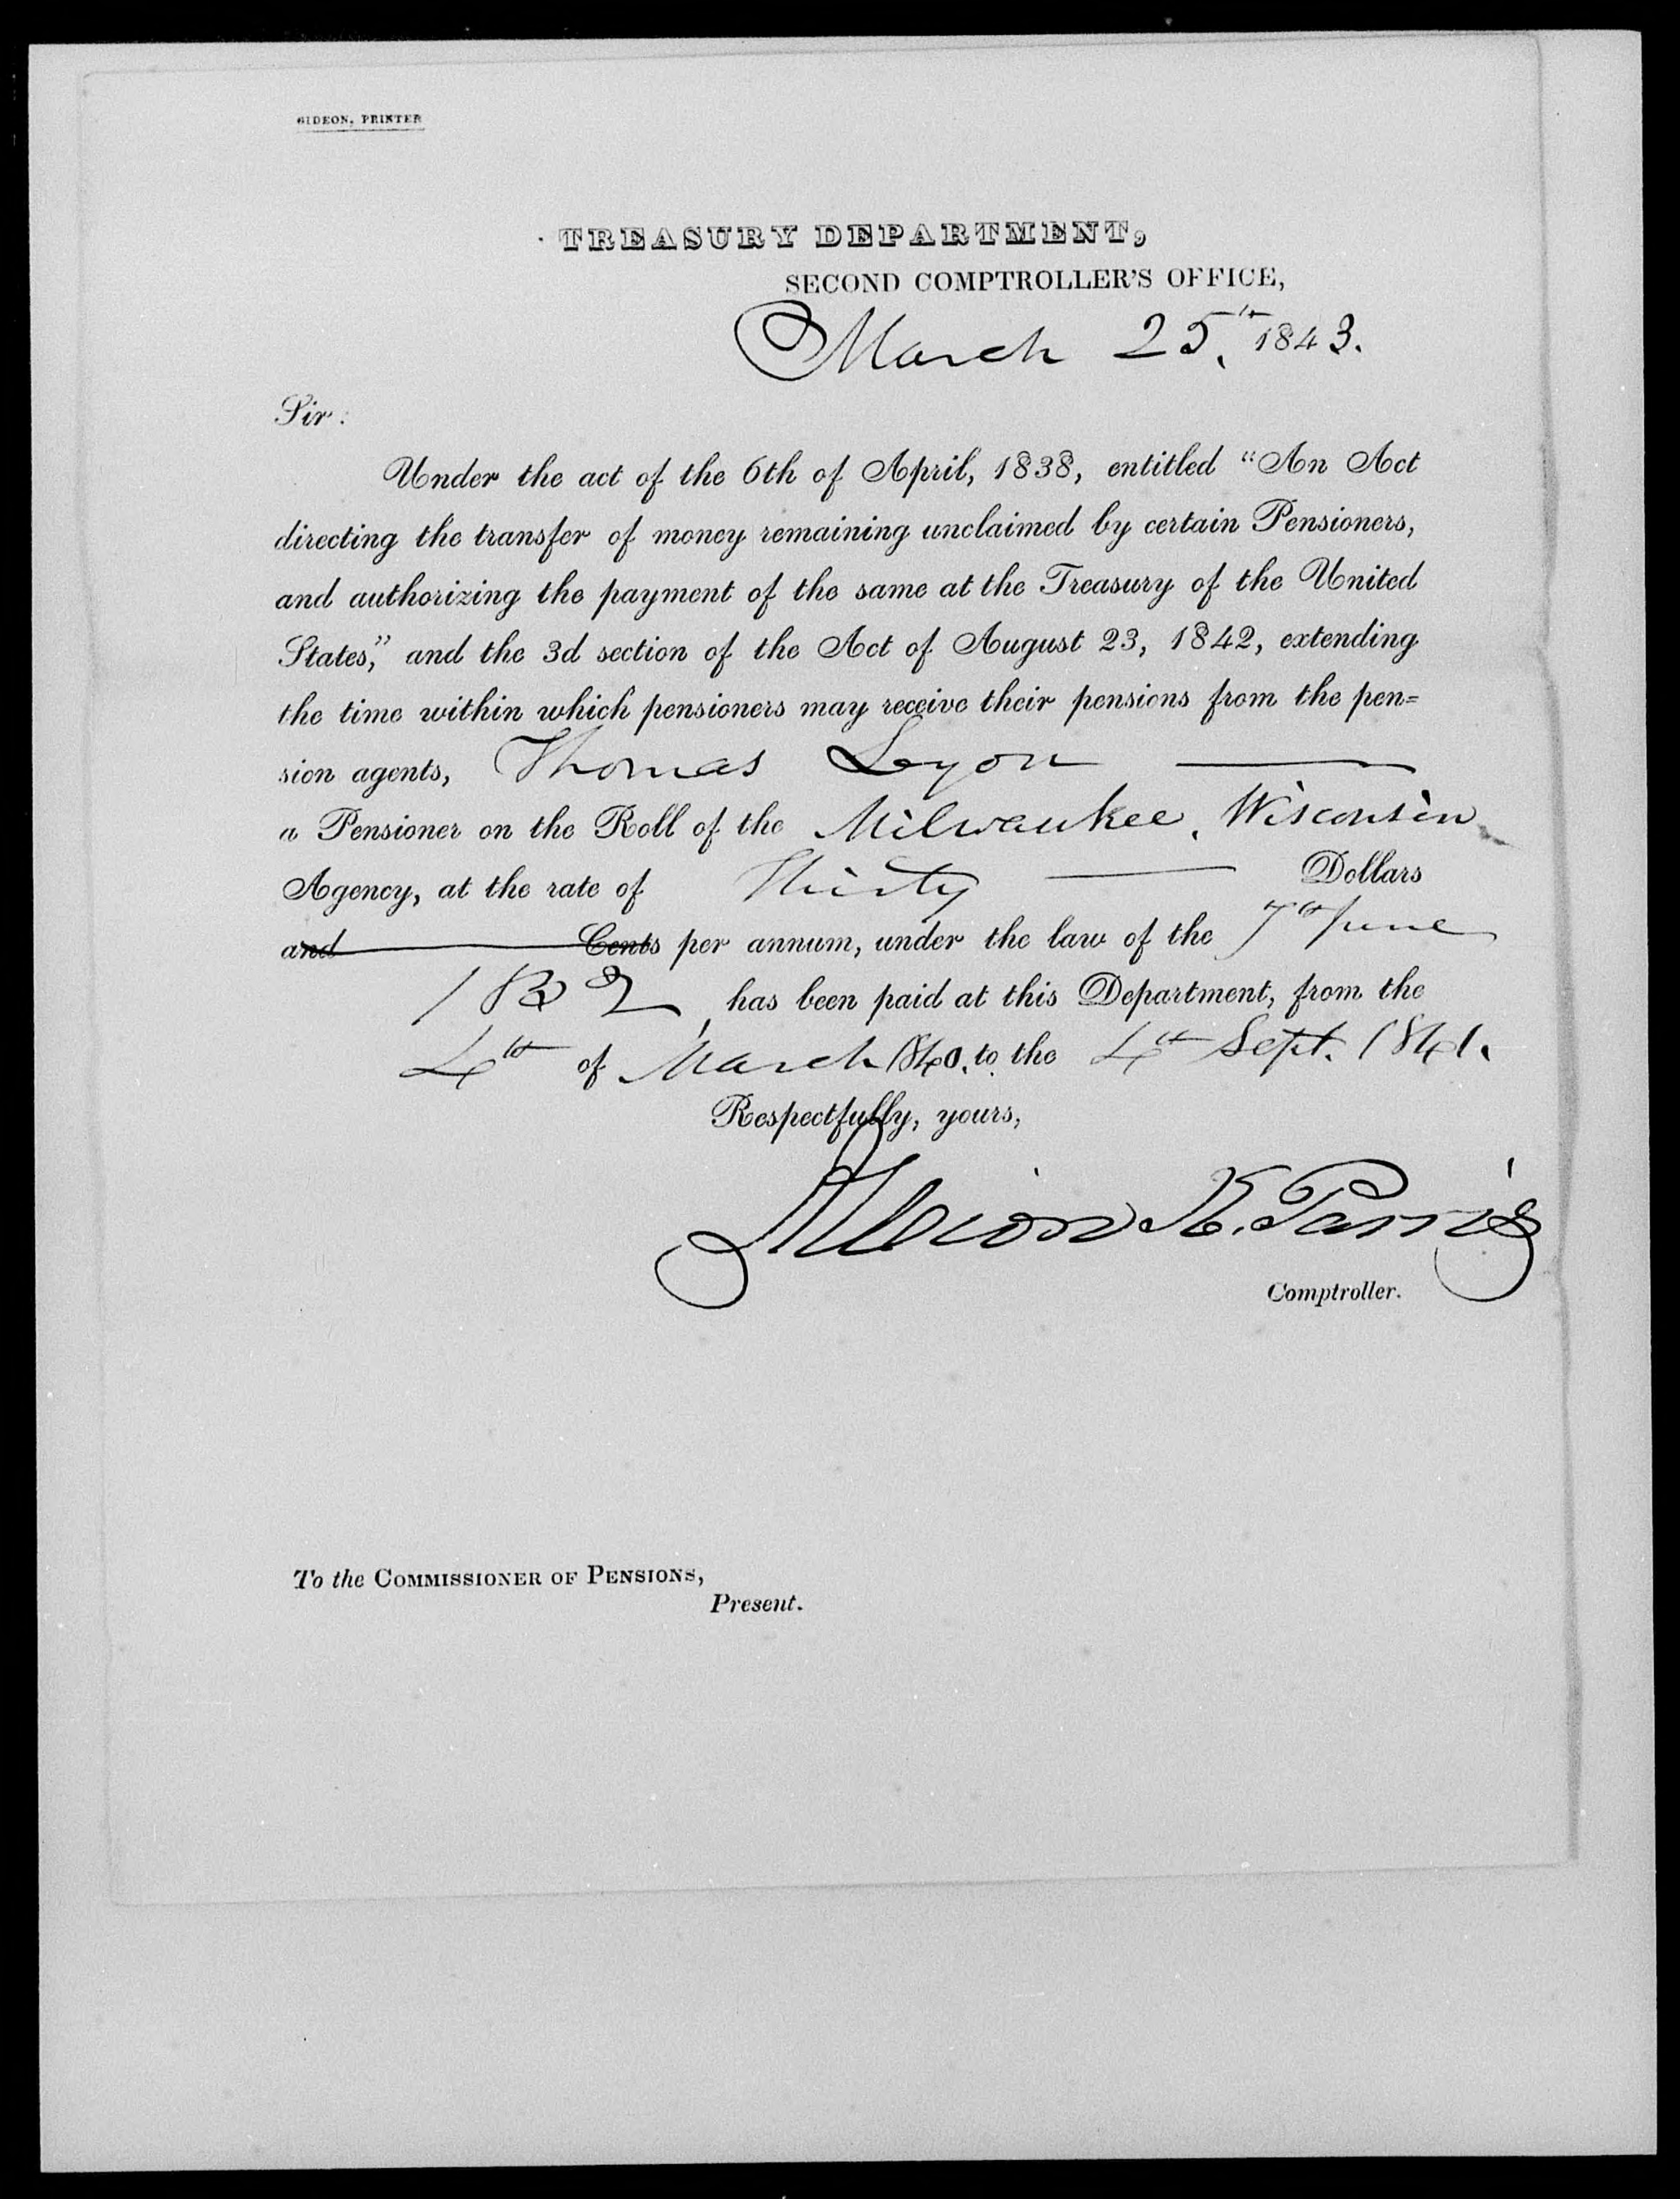GIDEON, PRINTER
---
TREASURY DEPARTMENT.
SECOND COMPTROLLER'S OFFICE,
March 25th 1843
Sir,
Under the act of the 6th of April, 1838, entitled "An Act directing the transfer of money remaining unclaimed by certain Pensioners, and authorizing the payment of the same at the Treasury of the United States," and the 3d section of the Act of August 23, 1842, extending the time within which pensioners may receive their pensions from the pension agents, Thomas Lyon a Pensioner on the Roll of the Milwaukee, Wisconsin Agency, at the rate of thirty Dollars per annum, under the law of the 7 June 1832, has been paid at this Department, from the 4th of March 1840 to the 4th Sept. 1841.
Respectfully, yours,
Albion K. Parris
Comptroller.

To the COMMISSIONER OF PENSIONS,
Present.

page: 25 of 28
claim: survivor's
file: S. 21,872, for Thomas Lyon, New York